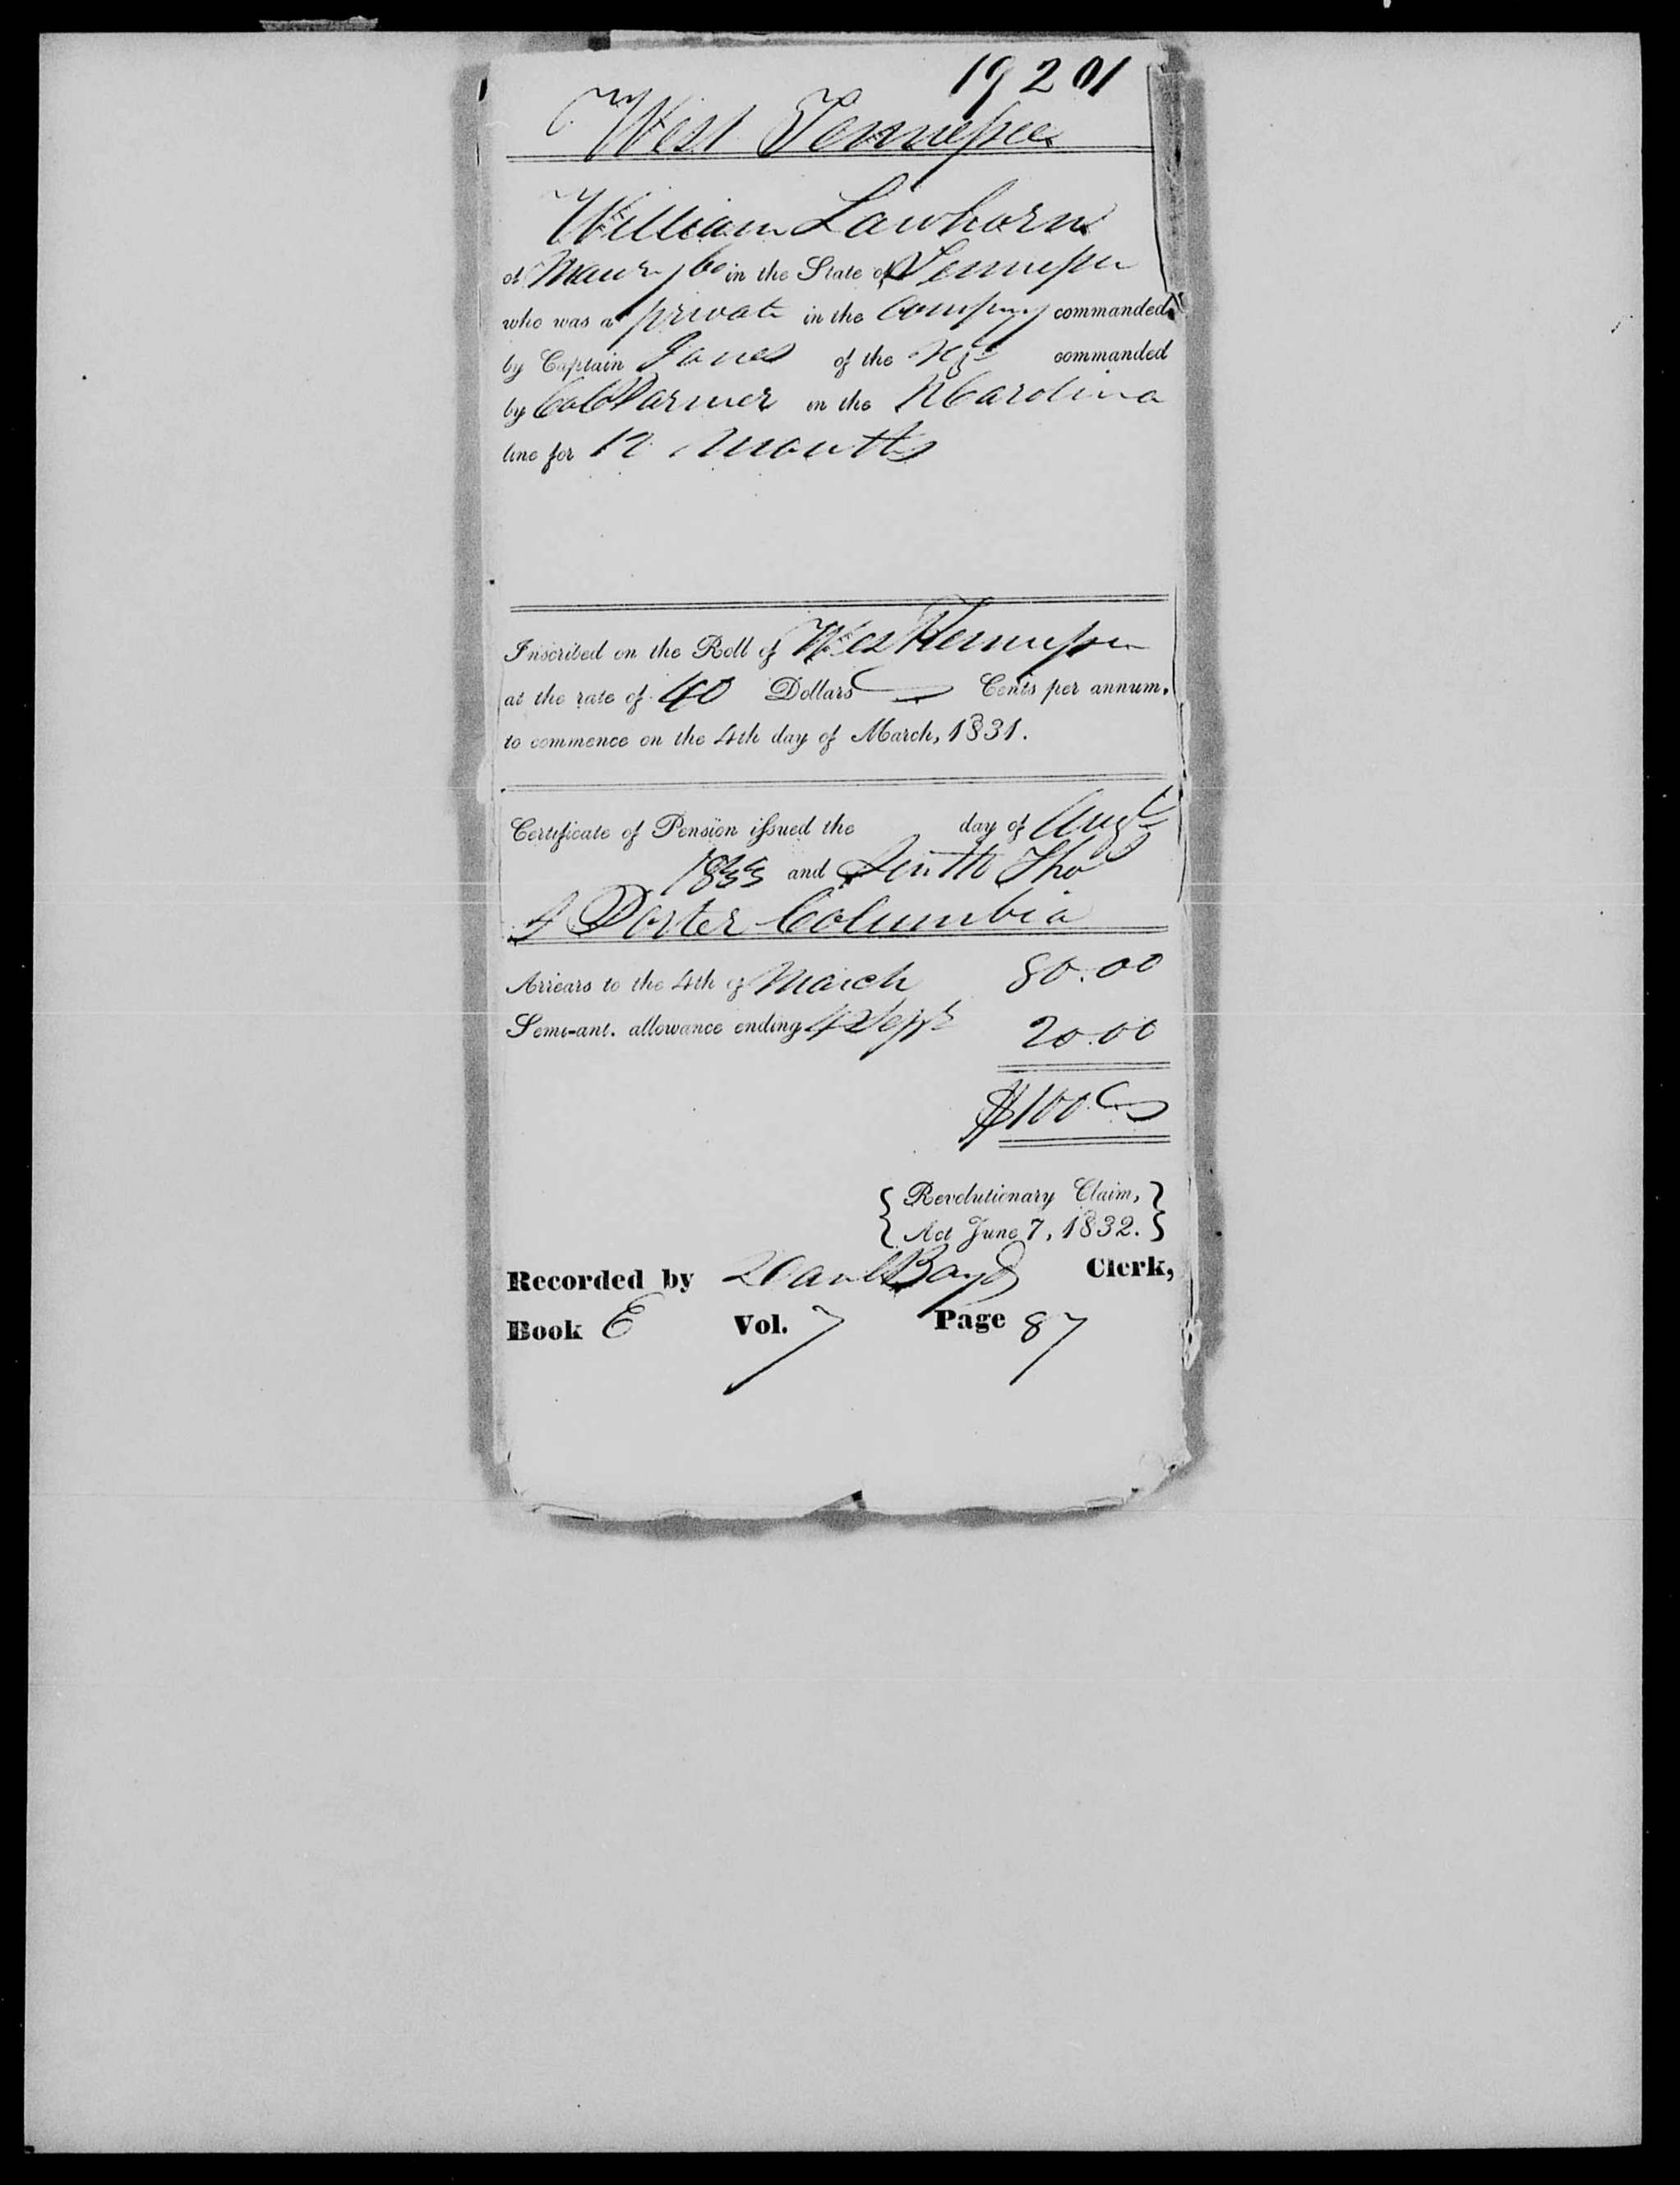19201

West Tennessee

William Lawhorn of Maury Co. in the State of Tennessee who was a private in the company commanded by Captain Jones of the regt commanded by Colo. Parmer on the N Carolina line for 12 months.

Inscribed on the Roll of West Tennessee at the rate of $40 Dollars -- Cents per annum, to commence on the 4th day of March, 1831.

Certificate of Pension issued the ___ day of Augt 1833 and Sent to Thos J Porter Columbia

Arrears to the 4th of March                  80.00
Semi-anl allowance ending 4 Sept       20.00

$100.00

{Revolutionary Claim, Act June 7, 1832.}

Recorded by Danl Boyd Clerk,
Book E  Vol. 7  Page 87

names: William Lawhorn; Thos J Porter; [BLANK] Parmer; [BLANK] Jones; Danl Boyd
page: 2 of 16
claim: survivor's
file: S 4506, for William Lawhorn, North Carolina